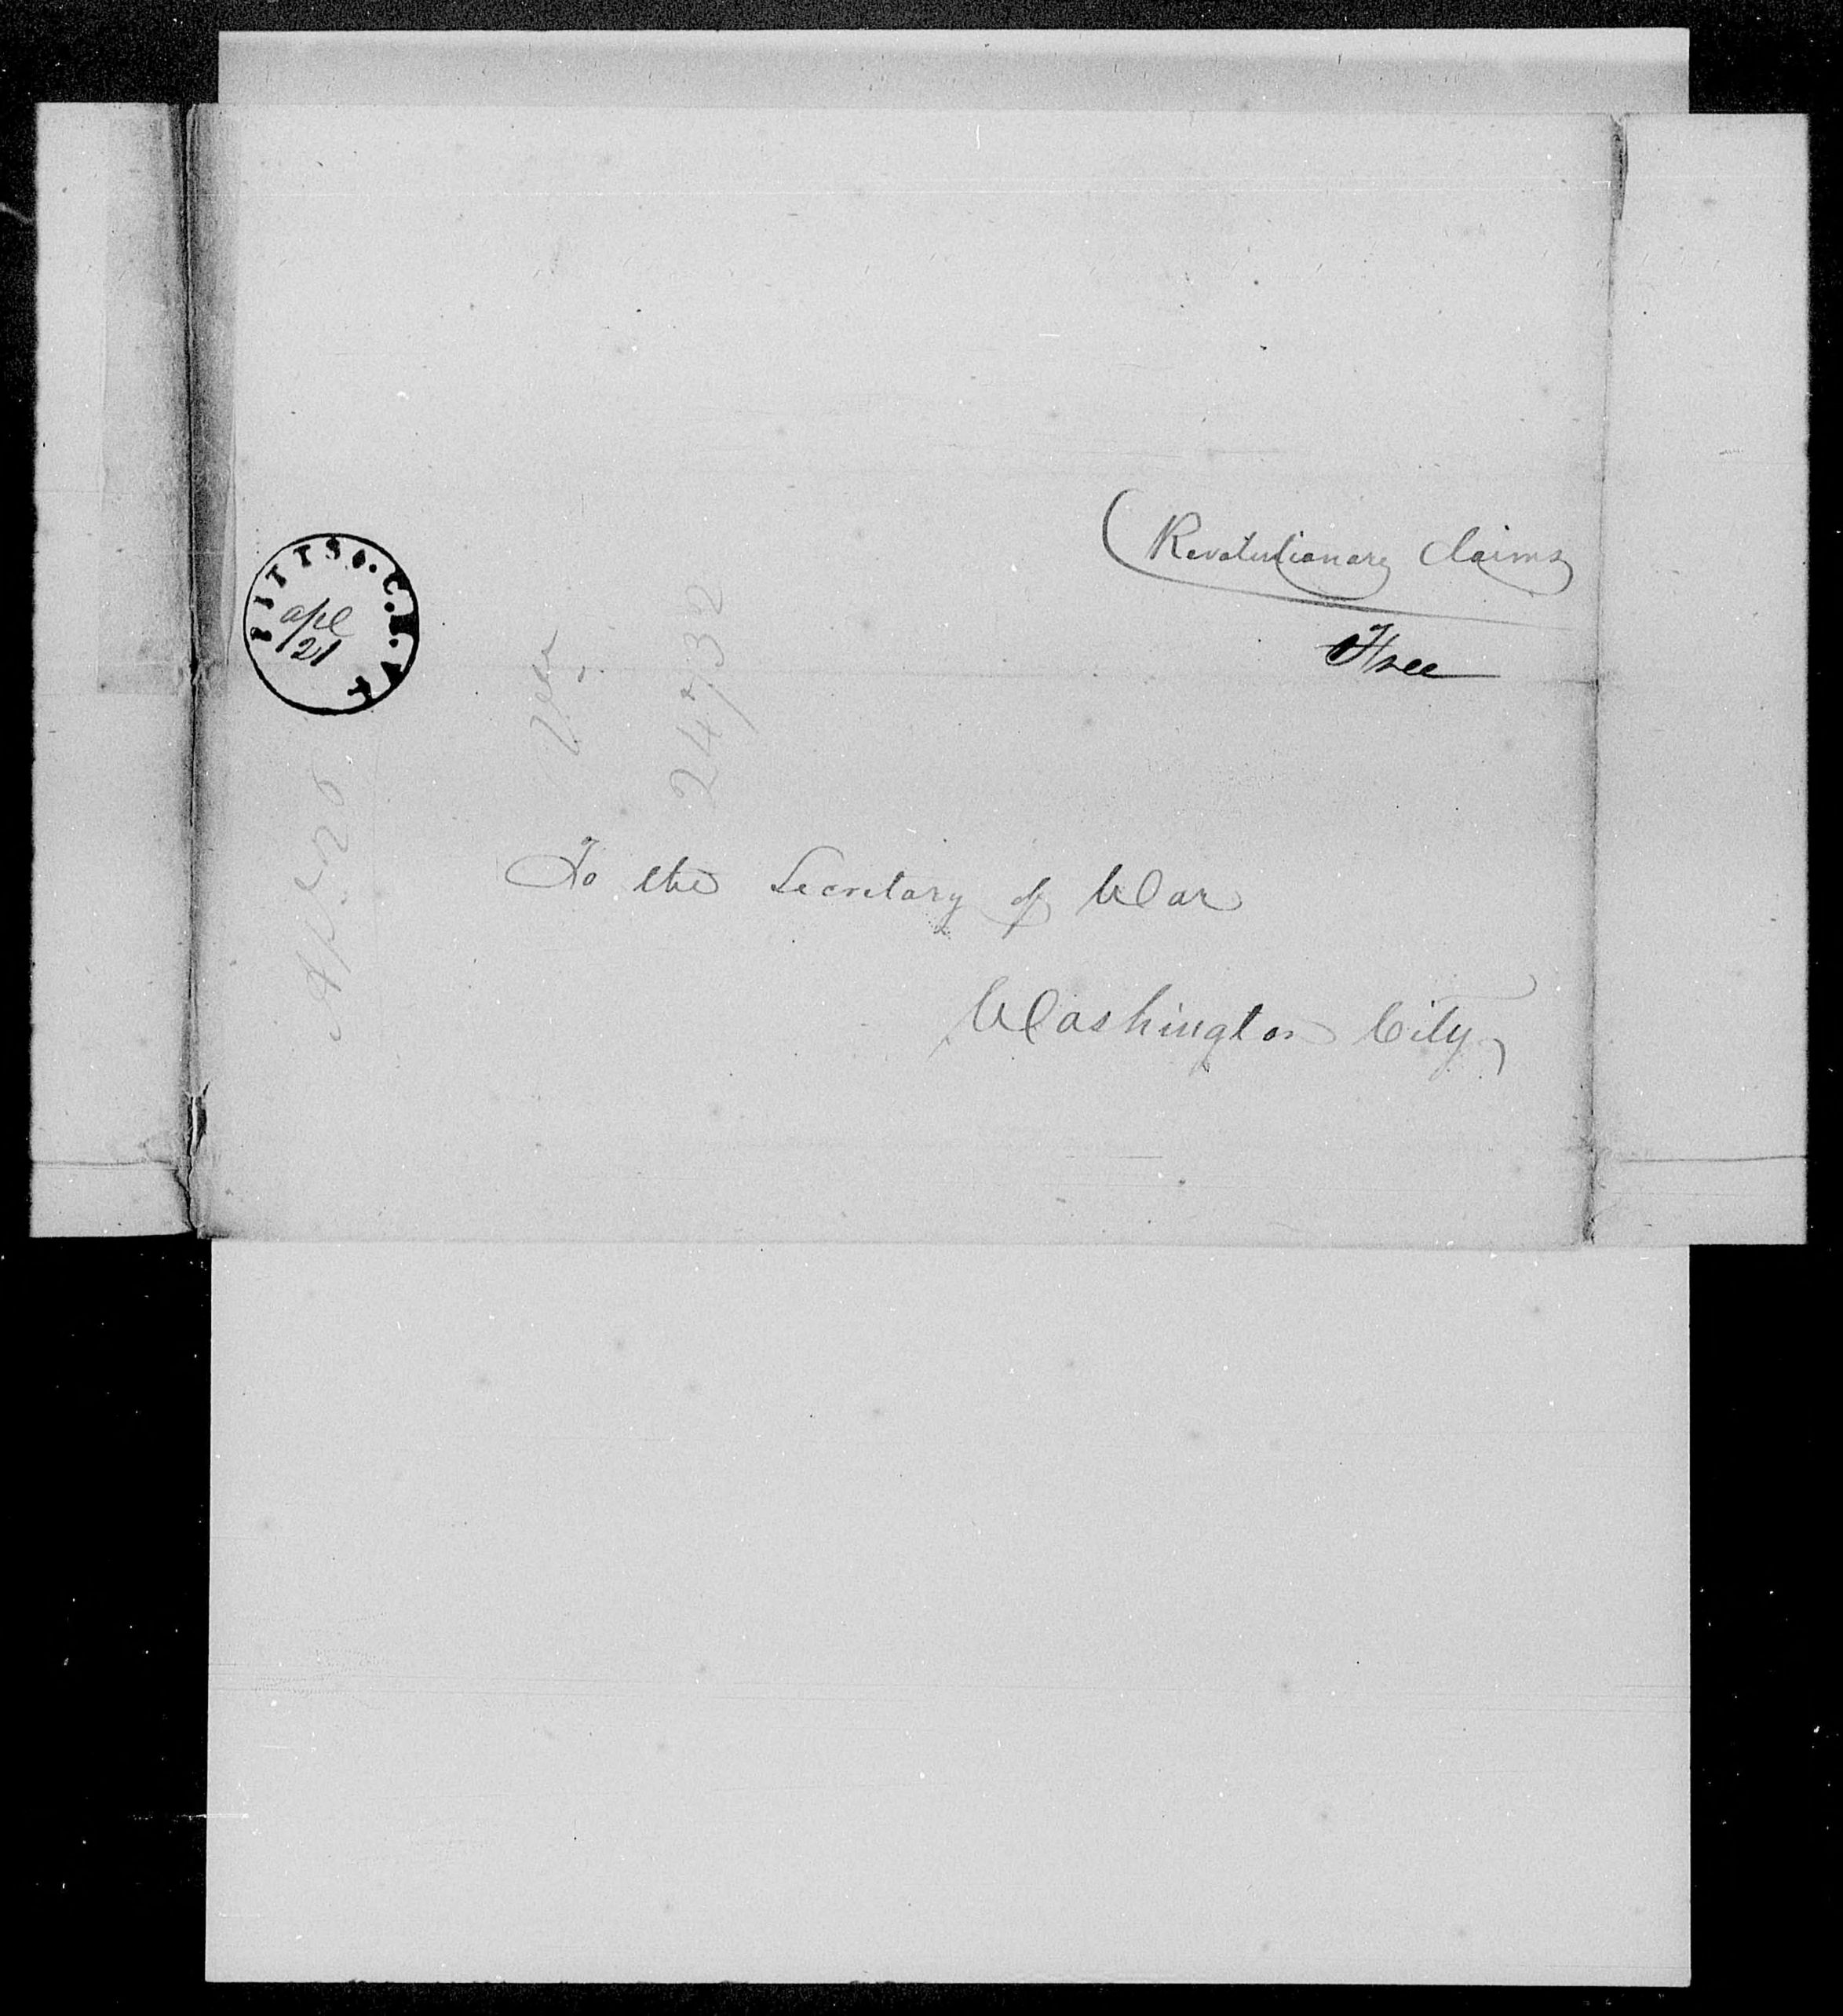Revolutionary Claims
[illegible]
To the Secretary of War
 Washington City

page: 16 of 26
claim: survivor's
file: S. 20896, Griffeth Dickenson, Ga. Va.